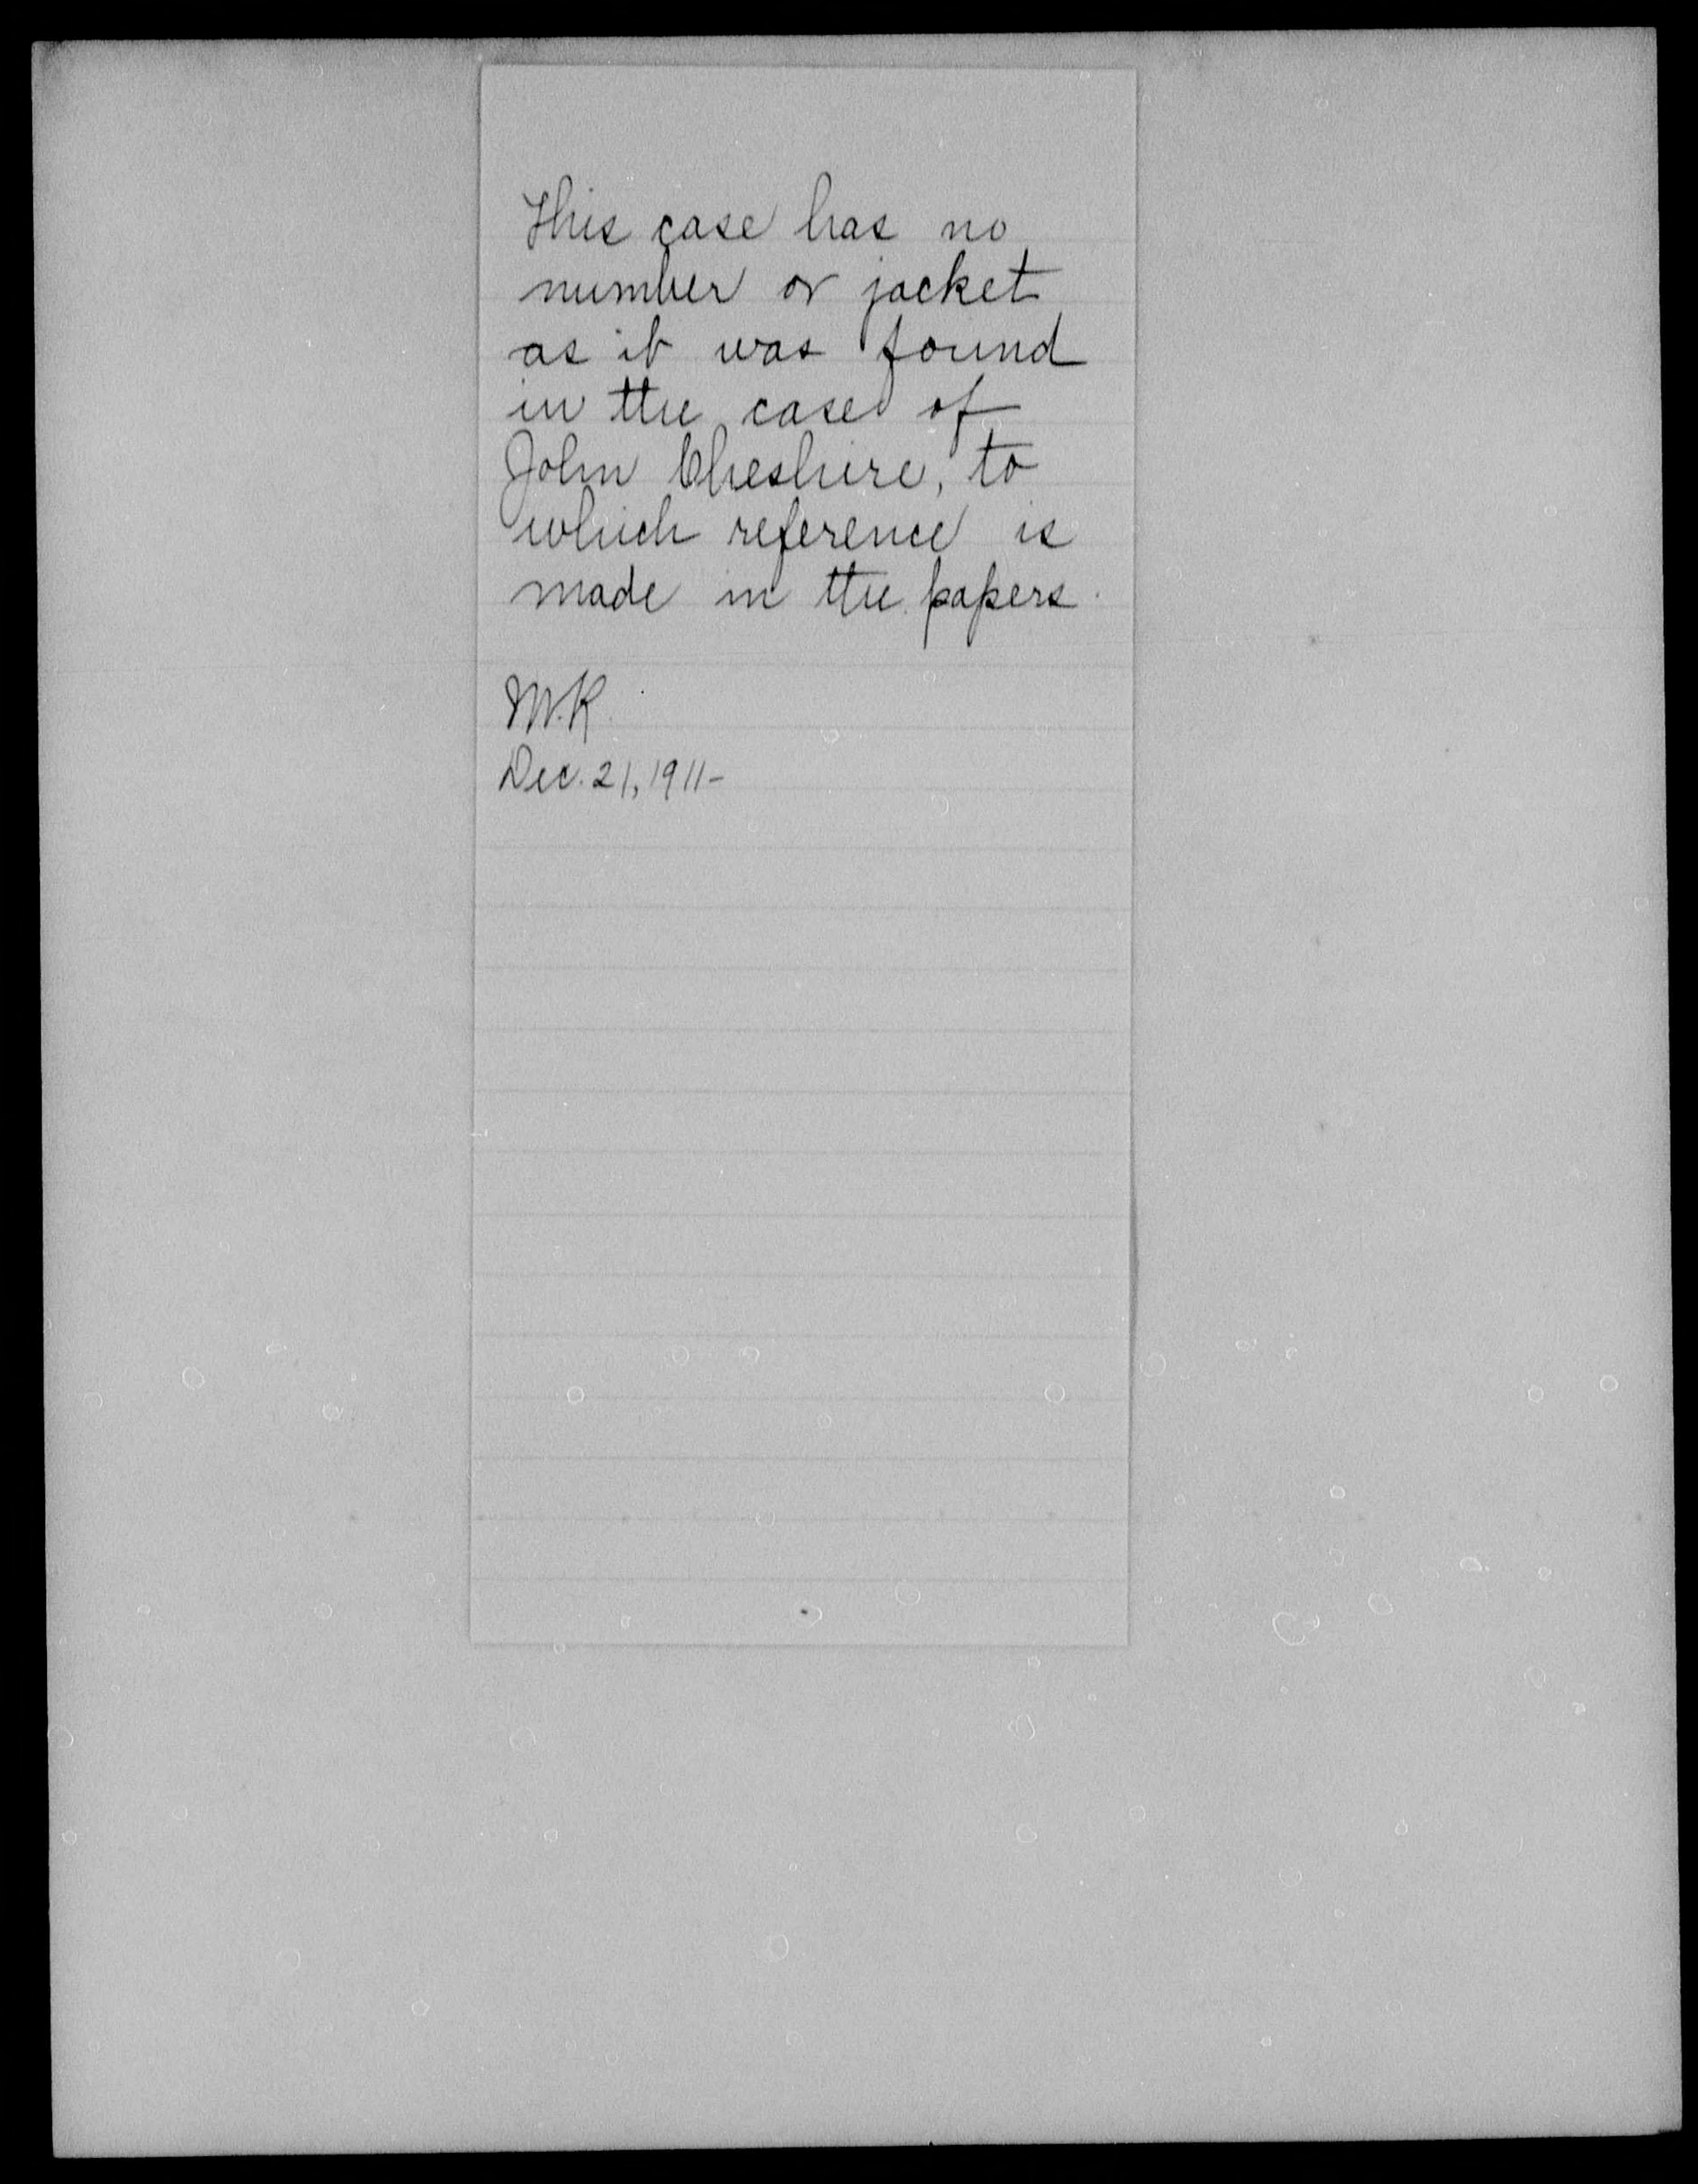This case has no number or jacket as it was found in the case of John Cheshire, to which reference is made in the papers. 
M.R.
Dec. 21, 1911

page: 2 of 6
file: R, for Cornelius Thomas, Virginia